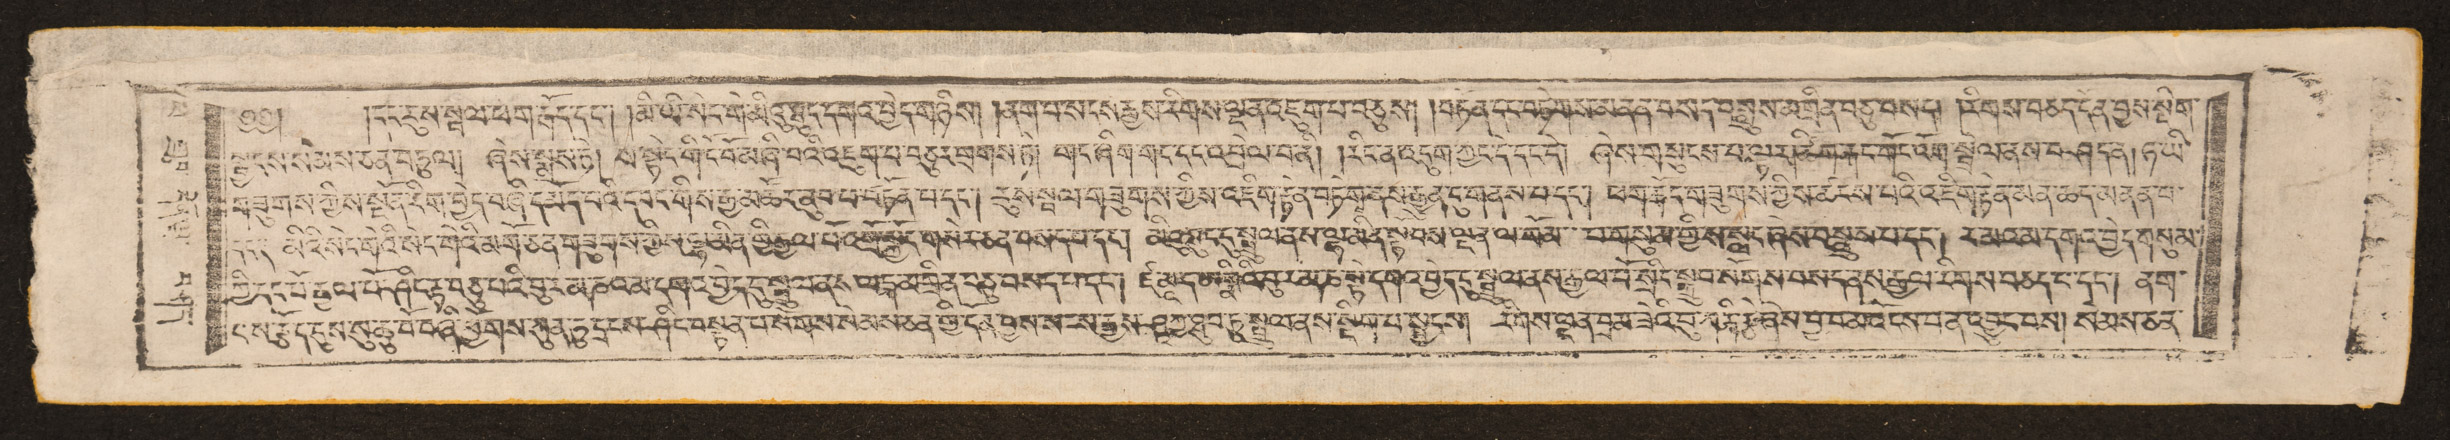༄༅། །དང་རུས་སྦལ་ཕག་རྒོད་དང་། །མི་ཡི་སེང་གེ་མིའུ་ཐུད་དགའ་བྱེད་གཉིས། །ནག་པ་སངས་རྒྱས་རིགས་ལྡན་འཇུག་པ་བཅུས། །བཏོན་དང་བཏེགས་མནན་བསད་བསླུས་མགྲིན་བཅུ་བསད། །རིགས་བཅད་དོན་བྱས་སྡིག་
སྦྱངས་སེམས་ཅན་བཏུལ། ཞེས་སྨྲས་ཏེ། ས་སྟེང་གི་ངོ་བོ་མ་ཞི་བའི་འཇུག་པ་བཅུར་གྲགས་ཏེ། གང་ཞིག་གང་དང་འབྲེལ་བ་ནི། །རིང་ན་འདུག་ཀྱང་དེ་དང་དེ། ཞེས་གསུངས་པ་ལྟར། ཚིག་རྐང་གོང་འོག་སྦྲེལ་ནས་བཤད་ན། ཉ་ཡི་
གཟུགས་ཀྱིས་སྔོན་རིག་བྱེད་བཞི་དམོད་པའི་དབང་གིས་རྒྱ་མཚོར་ནུབ་པ་བཏོན་པ་དང་། རུས་སྦལ་གཟུགས་ཀྱིས་འཇིག་རྟེན་བཏེག་ནས་རྒྱུན་དུ་གནས་པ་དང་། ཕག་རྒོད་གཟུགས་ཀྱིས་ཚངས་པའི་འཇིག་རྟེན་མན་ཆད་མནན་པ་
དང༑ མིའི་སེང་གེའི་སེང་གེའི་མགོ་ཅན་གཟུགས་ཀྱིས་ལྷ་མིན་གྱི་རྒྱལ་པོ་འགྲོ་སྐྱོང་གསེར་ཅན་བསད་པ་དང་། མིའུ་ཐུང་དུ་སྦྲུལ་ནས་ལྷ་མིན་སྟོབས་ལྡན་ལ་གོམ་པ་གསུམ་གྱིས་སླང་ཞེས་བསླུས་པ་དང་། ར་མའམ་དགའ་བྱེད་གསུམ་
ཀྱི་དང་པོ་རྒྱལ་པོ་ཤིང་རྟ་བཅུ་པའི་པུ་ར་མ་ཎཱམ་དགའ་བྱེད་དུ་སྤྲུལ་?་ནས་ལངྐ་མགྲིན་བཅུ་བསད་པ་དང་། ཛ་མཱ་ད་ཨགནིའི་པུ་ར་མ་ཎ་སྟེ་དགའ་བྱེད་དུ་སྦྲུལ་ནས་རྒྱལ་པོ་སྲིང་སྒྲུབ་སོགས་བསད་ནས་རྒྱལ་རིགས་བཅད་པ་དང་། ནག་
པས་རྩོད་དུས་སུ་ཆུ་བོ་བཞི་ཕྱོགས་ཀུན་ཏུ་དྲངས་ཤིང་བསྟན་པ་སོགས་སེམས་ཅན་གྱི་དོན་བྱས་སངས་རྒྱས་ཤཱཀྱ་ཐུབ་ཏུ་སྦྲུལ་ནས་སྡིག་པ་སྦྱངས། རིགས་ལྡན་བྲམ་ཟེའི་བུ་ཀརྐི་རྩེ་ཞེས་བྱ་བ་མ་འོངས་པ་ན་འབྱུང་བས། སེམས་ཅན་